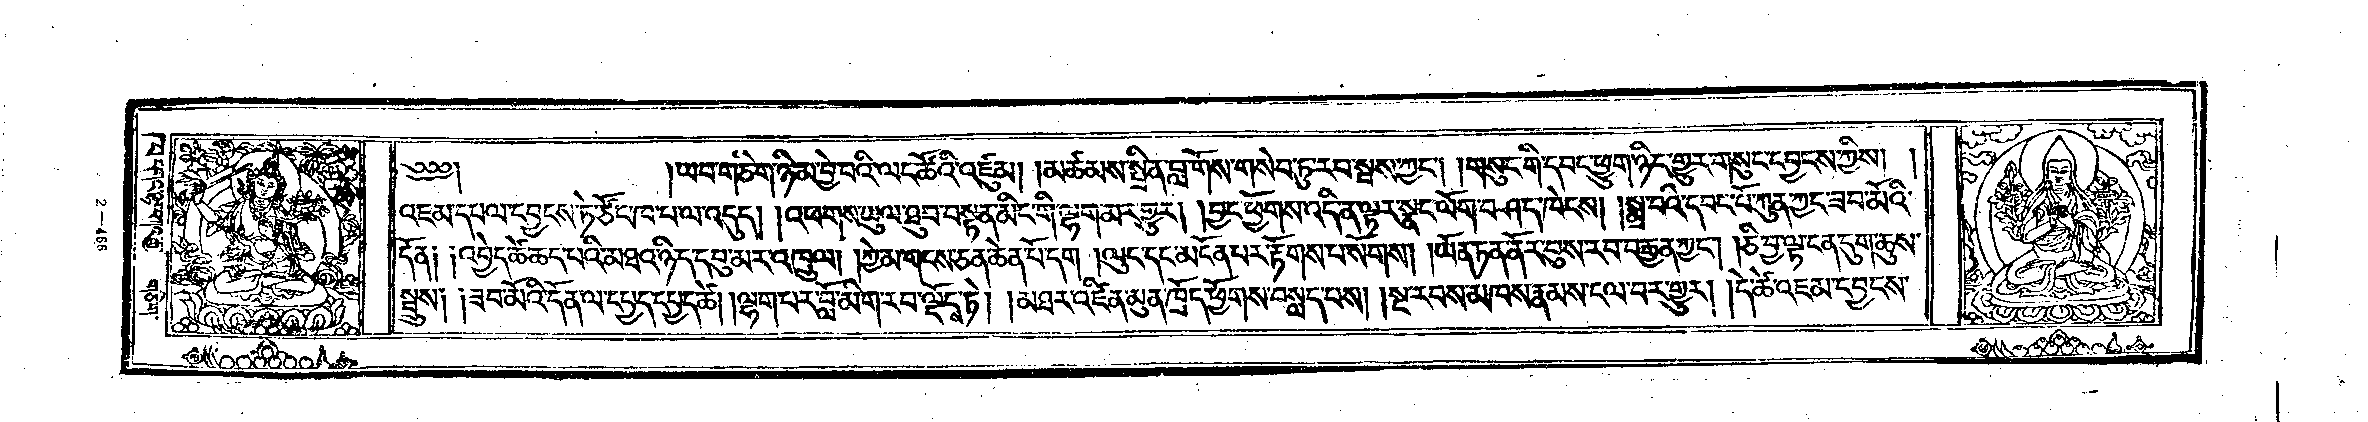༄༅༅། །ཡབ་གཅིག་ཉི་མ་བྱེ་བའི་ལང་ཚོའི་འཛུམ། །མཚམས་སྤྲིན་བླ་གོས་གསེབ་ཏུ་རབ་སྦས་ཀྱང་། །གསུང་གི་དབང་ཕྱུག་ཉིད་གྱུར་གསུང་དབྱངས་ཀྱིས། །
འཇམ་དཔལ་དབྱངས་ཏེ་ཙོང་ཁ་པ་ལ་འདུད། །འཕགས་ཡུལ་ཐུབ་བསྟན་མིང་གི་ལྷག་མར་གྱུར། །བྱང་ཕྱོགས་འདི་ན་ལྟར་སྣང་ལོག་བཤད་ཁེངས། །སྨྲ་བའི་དབང་པོ་ཀུན་ཀྱང་ཟབ་མོའི་
དོན༑ ༑འབྱེད་ཚེ་ཆད་པའི་མཐའ་ཉིད་དབུ་མར་འཁྲུལ། །ཀྱེ་མ་གངས་ཅན་ཆེན་པོ་དག །ལུང་དང་མངོན་པར་རྟོགས་པ་སོགས། །ཡོན་ཏན་ནོར་བུས་རབ་བརྒྱན་ཀྱང་། །ཅི་བྱ་ལྟ་ངན་དུག་ཆུས་
སྦྲུས༑ ༑ཟབ་མོའི་དོན་ལ་དཔྱད་དཔྱད་ཚེ། །ལྷག་པར་བློ་མིག་རབ་ལྡོངས་ཏེ། །མཐར་འཛིན་མུན་ཁྲོད་ཕྱོགས་བསླད་པས། །སྔ་རབས་མཁས་རྣམས་ངལ་བར་གྱུར། །དེ་ཚེ་འཇམ་དབྱངས་